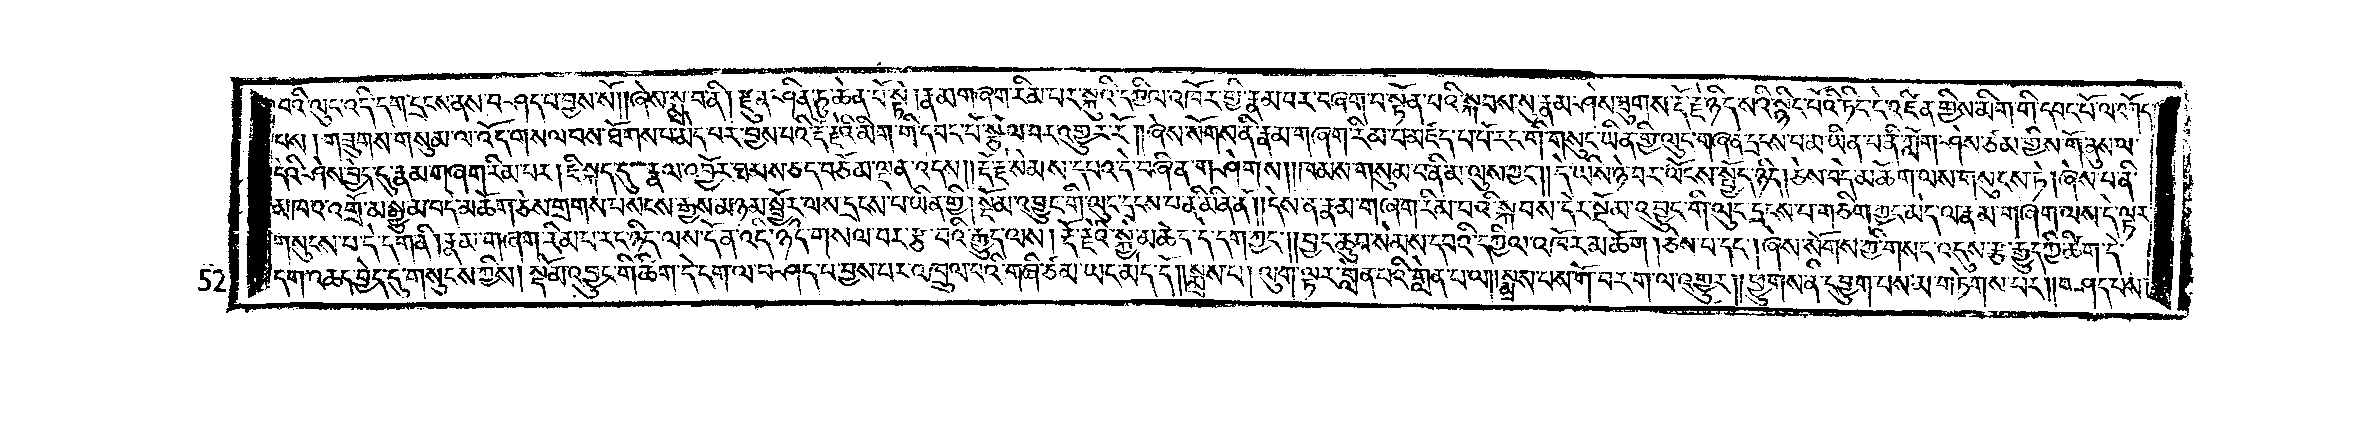པའི་ལུང་འདི་དག་དྲངས་ནས་བཤད་པ་བྱས་སོ། །ཞེས་སྨྲ་བ་ནི། རྫུན་ཤིན་ཏུ་ཆེན་པོ་སྟེ། རྣམ་གཞག་རིམ་པར་སྐུའི་དཀྱིལ་འཁོར་གྱི་རྣམ་པར་བཞག་པ་སྟོན་པའི་སྐབས་སུ་རྣམ་ཤེས་ཐུགས་རྡོ་རྗེ་ཉིད་སའི་སྙིང་པོའི་ཏིང་ངེ་འཛིན་གྱིས་མིག་གི་དབང་པོ་ལ་བཀོད་
པས། གཟུགས་གསུམ་ལ་འོད་གསལ་བས་ཐོགས་པ་མེད་པར་བྱས་པའི་རྡོ་རྗེའི་མིག་གི་དབང་པོ་སྩོལ་བར་འགྱུར་རོ། །ཞེས་སོགས་ནི་རྣམ་གཞག་རིམ་པ་མཛད་པ་པོ་རང་གི་གསུང་ཡིན་གྱི་ལུང་གཞན་དྲངས་པ་མ་ཡིན་པ་ནི་ཀློག་ཤེས་ཙམ་གྱིས་གོ་ནུས་ལ་
དེའི་ཤེས་བྱེད་དུ་རྣམ་གཞག་རིམ་པར། ཇི་སྐད་དུ་རྣལ་འབྱོར་ཐམས་ཅད་བཅོམ་ལྡན་འདས། །རྡོ་རྗེ་སེམས་དཔའ་དེ་བཞིན་གཤེགས། །ཁམས་གསུམ་པ་ནི་མ་ལུས་ཀྱང་། །དེ་ཡིས་ཉེ་བར་ལོངས་སྤྱོད་ཉིད། ཅེས་བདེ་མཆོག་ལས་གསུངས་ཏེ། ཞེས་པ་ནི་
མཁའ་འགྲོ་མ་སྒྱུ་མ་བདེ་མཆོག་ཅེས་གྲགས་པ་སངས་རྒྱས་མཉམ་སྦྱོར་ལས་དྲངས་པ་ཡིན་གྱི། སྡོམ་འབྱུང་གི་ལུང་དྲངས་པ་ནི་མིན་ནོ། །དེས་ན་རྣམ་གཞག་རིམ་པའི་སྐབས་དེར་སྡོམ་འབྱུང་གི་ལུང་དྲངས་པ་གཅིག་ཀྱང་མེད་ལ་རྣམ་གཞག་ལས་དེ་ལྟར་
གསུངས་པ་དེ་དག་ནི། རྣམ་གཞག་རིམ་པ་རང་ཉིད་ལས་དོན་འདི་ཉིད་གསལ་བར་རྩ་བའི་རྒྱུད་ལས། རྡོ་རྗེའི་སྐྱེ་མཆེད་དེ་དག་ཀྱང་། །བྱང་ཆུབ་སེམས་དཔའི་དཀྱིལ་འཁོར་མཆོག །ཅེས་པ་དང་། ཞེས་སོགས་ཀྱི་གསང་འདུས་རྩ་རྒྱུད་ཀྱི་ཚིག་དེ་
དག་འཆད་བྱེད་དུ་གསུངས་ཀྱིས། སྡོམ་འབྱུང་གི་ཚིག་དེ་དག་ལ་སྦྴད་པ་བྱས་པར་འཁྲུལ་པའི་གཞི་ཙམ་ཡང་མེད་དོ། །སྨྲས་པ། ལུག་ལྟར་གླེན་པའི་གླེན་པ་ལ། སྨྲས་པས་གོ་བར་ག་ལ་འགྱུར། །པྱུགས་ནི་དབྱུག་པས་མ་གཏེགས་པར། །བཤད་པས་